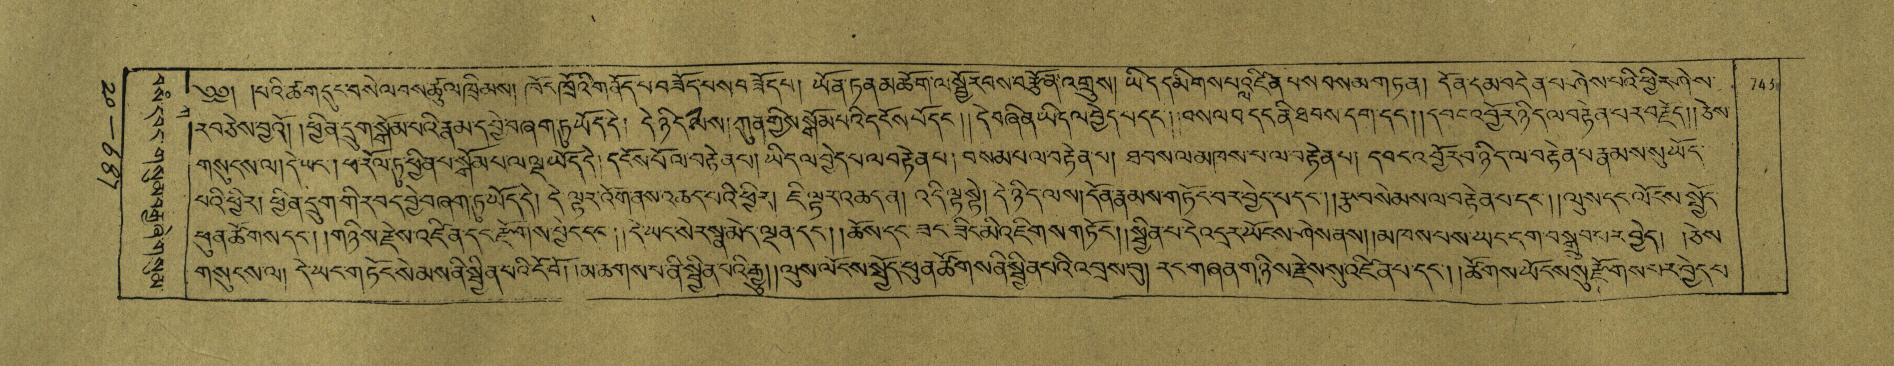༄༅། །པའི་ཚ་གདུང་བསེལ་བས་ཚུལ་ཁྲིམས། ཁོང་ཁྲོའི་གནོད་པ་བཟོད་པས་བཟོད་པ། ཡོན་ཏན་མཆོག་ལ་སྦྱོར་བས་བརྩོན་འགྲུས། ཡིད་དམིགས་པ་ལ་འཛིན་པས་བསམ་གཏན། དོན་དམ་བདེན་པ་ཤེས་པའི་ཕྱིར་ཤེས་
རབ་ཅེས་བྱའོ། །ཕྱིན་དྲུག་སྒོམ་པའི་རྣམ་དབྱེ་བཞག་ཏུ་ཡོད་དེ། དེ་ཉིད་ལས། ཀུན་གྱིས་སྒོམ་པའི་དངོས་པོ་དང་། །དེ་བཞིན་ཡིད་ལ་བྱེད་པ་དང་། །བསལ་བ་དང་ནི་ཐབས་དག་དང་། །དབང་འབྱོར་ཉིད་ལ་བརྟེན་པར་བརྗོད། །ཅེས་
གསུངས་ལ། དེ་ཡང་། ཕ་རོལ་ཏུ་ཕྱིན་པ་སྒོམ་པ་ལ་ལྔ་ཡོད་དེ། དངོས་པོ་ལ་བརྟེན་པ། ཡིད་ལ་བྱེད་པ་ལ་བརྟེན་པ། བསམ་པ་ལ་བརྟེན་པ། ཐབས་ལ་མཁས་པ་ལ་བརྟེན་པ། དབང་འབྱོར་བ་ཉིད་ལ་བརྟེན་པ་རྣམས་སུ་ཡོད་
པའི་ཕྱིར། ཕྱིན་དྲུག་གི་རབ་དབྱེ་བཞག་ཏུ་ཡོད་དེ། དེ་ལྟར་འོག་ནས་འཆད་པའི་ཕྱིར། ཇི་ལྟར་འཆད་ན། འདི་ལྟ་སྟེ། དེ་ཉིད་ལས། དོན་རྣམས་གཏོང་བར་བྱེད་པ་དང་། །རྩ་བ་སེམས་ལ་བརྟེན་པ་དང་། །ལུས་དང་ལོངས་སྤྱོད་
ཕུན་ཚོགས་དང་། །གཉིས་རྗེས་འཛིན་དང་རྫོགས་བྱེད་དང་། །དེ་ཡང་སེར་སྣ་མེད་ལྡན་དང་། །ཆོས་དང་ཟང་ཟིང་མི་འཇིགས་གཏོང་། །སྦྱིན་པ་དེ་འདྲར་ཡོངས་ཤེས་ནས། །མཁས་པས་ཡང་དག་བསྒྲུབ་པར་བྱེད། །ཅེས་
གསུངས་ལ། དེ་ཡང་གཏོང་སེམས་ནི་སྦྱིན་པའི་ངོ་བོ་།མ་ཆགས་པ་ནི་སྦྱིན་པའི་རྒྱུ། །ལུས་ལོངས་སྤྱོད་ཕུན་ཚོགས་ནི་སྦྱིན་པའི་འབྲས་བུ། རང་གཞན་གཉིས་རྗེས་སུ་འཛིན་པ་དང་། །ཚོགས་ཡོངས་སུ་རྫོགས་པར་བྱེད་པ་